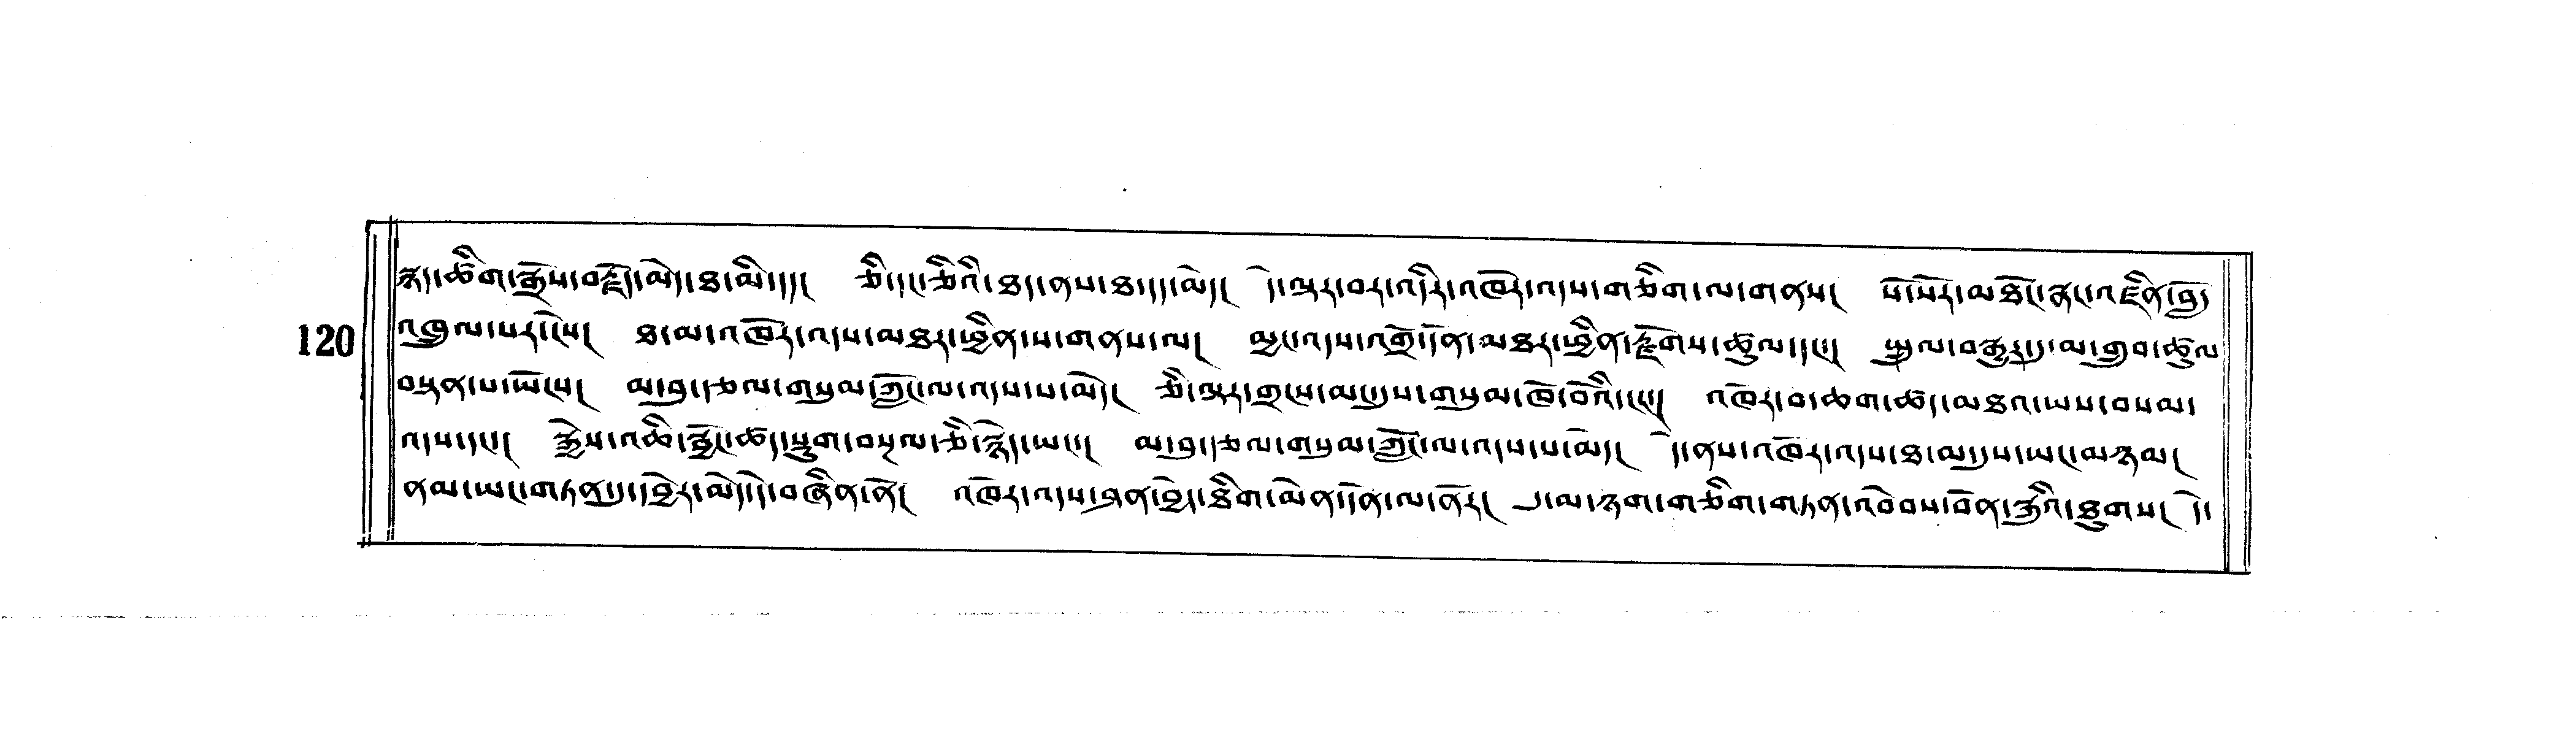སྙད་ཚིག་སྒྲོས་བརྗོད་མེད་ཐ་མི་དད། ཅི་དང་ཅིའི་ཐད་ནས་ཐ་དད་མེད། དེ་ལྟར་བར་འདིར་འཁོར་འདས་གཅིག་ལ་གནས། སོ་སོར་མཐོང་སྣང་འཛིན་བློ་
འཁྲུལ་པར་ངེས། ཐ་མ་འཁོར་འདས་མཐར་ཕྱིན་ས་གནས་ལ། མྱང་འདས་འགྲོ་དོན་མཐར་ཕྱིན་རྫོགས་ཚུལ་དང་། སྤྲུལ་སྒྱུར་དུ་མ་གྲུབ་ཚུལ་
བསྟན་པ་ཡོངས། མ་བུ་རྩལ་གསུམ་ཀློང་ལ་འདས་པ་མེད། ཅི་ལྟར་གྲངས་མང་དུ་ཁོ་བོའི་ངར། འཁོར་བ་ཆག་ཚད་མཐའ་ཡས་བསམ་
འདས་དང་། སྐྱེས་འཆི་སྦྱོང་ཚད་སྡུག་བསྔལ་ཅི་སྙེད་ཡང་། མ་བུ་རྩལ་གསུམ་ཀློང་ལ་འདས་པ་མེད། དེ་ནས་འཁོར་འདས་ཐ་མ་དུས་ཡང་མཉམ། 
ནམ་ཡང་བསྟན་དུ་དབྱེར་མེད་དེ་བཞིན་ནོ། འཁོར་འདས་ཤན་བྱེད་ཐེག་མེན་དོན་མ་ནོར། དུ་མ་ཉག་ཅིག་གཏན་འབེབས་བོན་སྐུའི་ཐུགས། དེ་